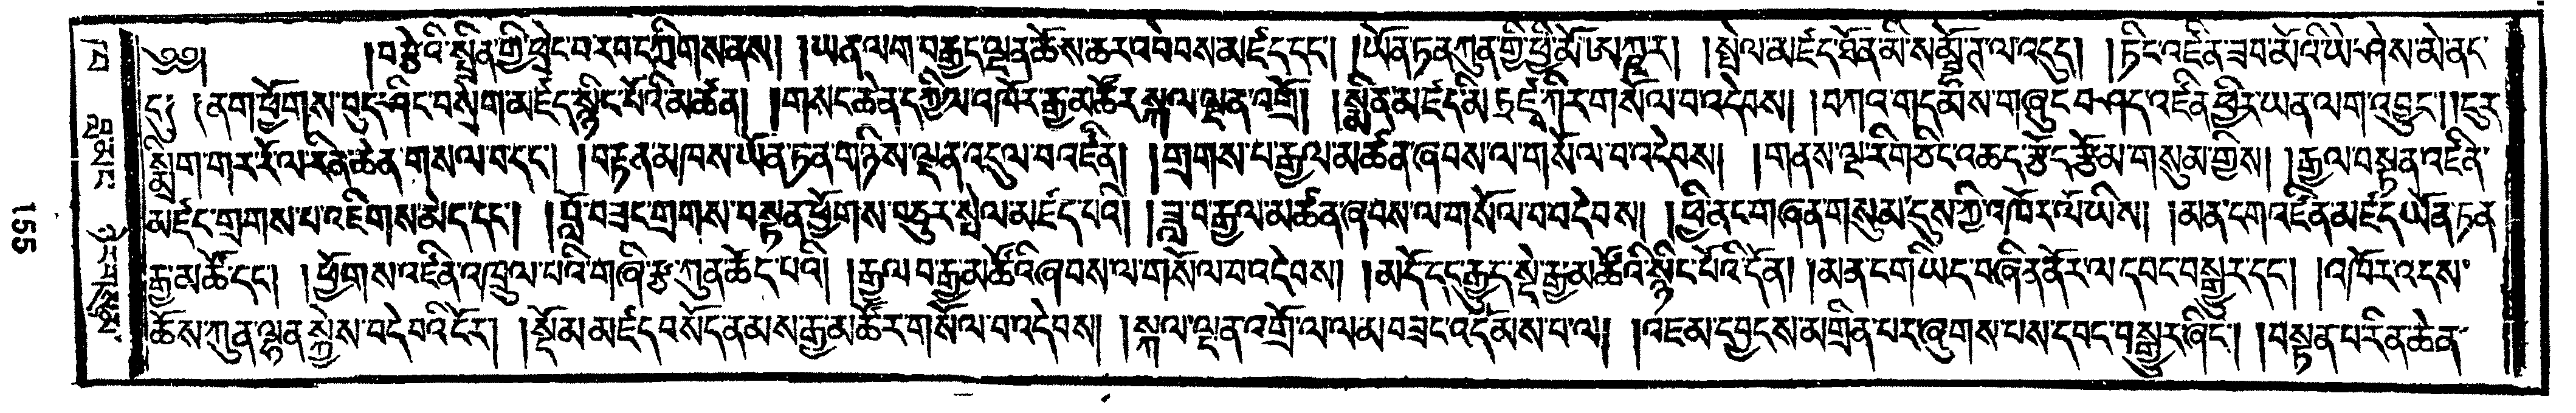༄༅། །བརྩེའི་སྤྲིན་གྱི་ཕྲེང་བ་རབ་དཀྲིགས་ནས། །ཡན་ལག་བརྒྱད་ལྡན་ཆོས་ཆར་འབེབས་མཛད་དང་། །ཡོན་ཏན་ཀུན་གྱི་ཕྱི་མོ་ཨཀྵ་ར། །སྤེལ་མཛད་ཐོན་མི་སམྦྷོ་ཊ་ལ་འདུད། །ཏིང་འཛིན་ཟབ་མོའི་ཡེ་ཤེས་མེ་ནད་
དུ༑ ༑ནག་ཕྱོགས་བུད་ཤིང་བསྲེག་མཛད་སྙིང་པོའི་མཚན། །གསང་ཆེན་དཀྱིལ་འཁོར་རྒྱ་མཚོར་སྐལ་ལྡན་འགྲོ། །སྨིན་མཛད་མི་ཏྲ་ཛྭ་ཀིར་གསོལ་བ་འདེབས། །བཀའ་གདམས་གཞུང་བཤད་འཛིན་ཕྱིར་ཡན་ལག་འབྱུང་། །ངུར་
སྨྲིག་གར་རོ་ལ་རིན་ཆེན་གསལ་བ་དང་། །བརྟན་མཁས་ཡོན་ཏན་གཉིས་ལྡན་འདུལ་བ་འཛིན། །གྲགས་པ་རྒྱལ་མཚན་ཞབས་ལ་གསོལ་བ་འདེབས། །གནས་ལྔ་རིག་ཅིང་འཆད་རྩོད་རྩོམ་གསུམ་གྱིས། །རྒྱལ་བསྟན་འཛིན་
མཛད་གྲགས་པ་འཇིགས་མེད་དང་། །བློ་བཟང་གྲགས་བསྟན་ཕྱོགས་བཅུར་སྤེལ་མཛད་པའི། །ཟླ་བ་རྒྱལ་མཚན་ཞབས་ལ་གསོལ་བ་བདེབས། །ཕྱི་ནང་གཞན་གསུམ་དུས་ཀྱི་འཁོར་ལོ་ཡིས། །མན་ངག་འཛིན་མཛད་ཡོན་ཏན་
རྒྱ་མཚོ་དང་། །ཕྱོགས་འཛིན་འཁྲུལ་པའི་གཞི་རྩ་ཀུན་ཆོད་པའི། །རྒྱལ་བ་རྒྱ་མཚོའི་ཞབས་ལ་གསོལ་བ་འདེབས། མདོ་དང་རྒྱུད་སྡེ་རྒྱ་མཚོའི་སྙིང་པོའི་དོན། །མན་ངག་ཡིད་བཞིན་ནོར་ལ་དབང་བསྒྱུར་དང་། །འཁོར་འདས་
ཆོས་ཀུན་ལྷན་སྐྱེས་བདེ་བའི་ངོར། །སྡོམ་མཛད་བསོད་ནམས་རྒྱ་མཚོར་གསོལ་བ་འདེབས། །སྐལ་ལྡན་འགྲོ་ལ་ལམ་བཟང་འདོམས་པ་ལ། །འཇམ་དབྱངས་མགྲིན་པར་ཞུགས་པས་དབང་བསྒྱུར་ཞིང་། །བསྟན་པ་རིན་ཆེན་